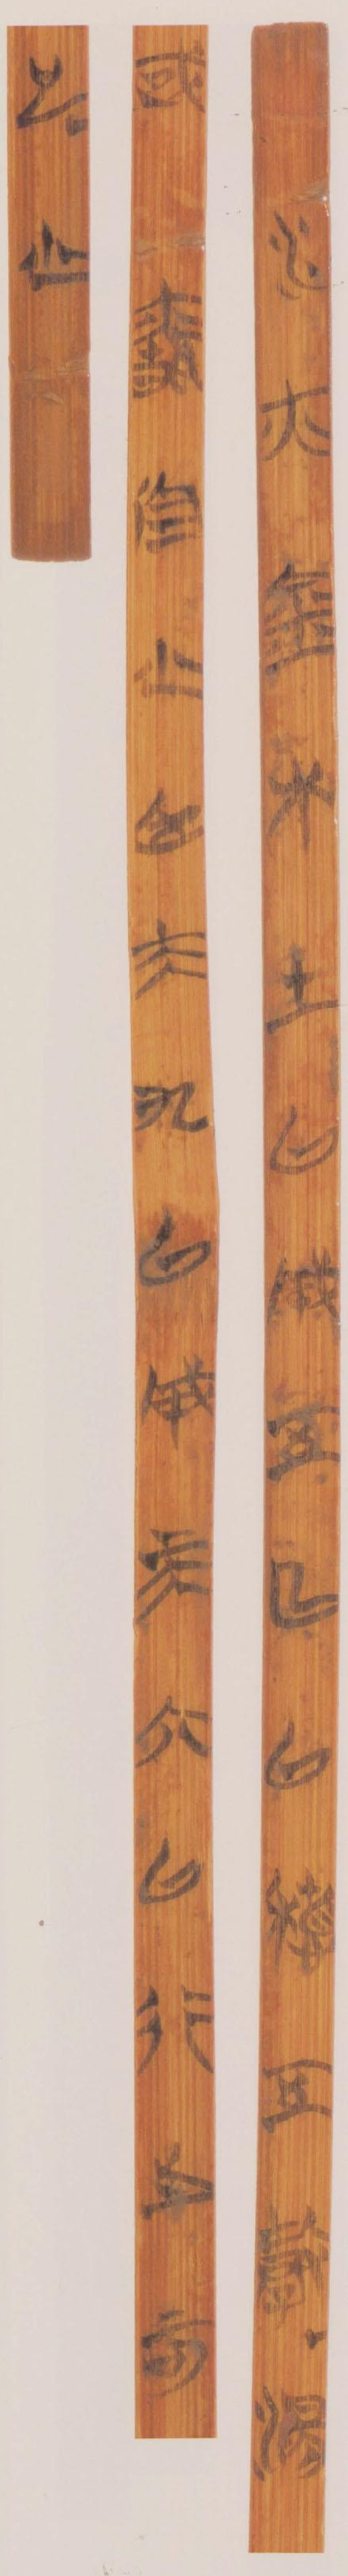水火金木土㠯（以）成五○㠯（以）{禾惪}五{㱿子}湯或{尒䎽}於少臣夫九㠯（以）成天六㠯（以）行之可也少
